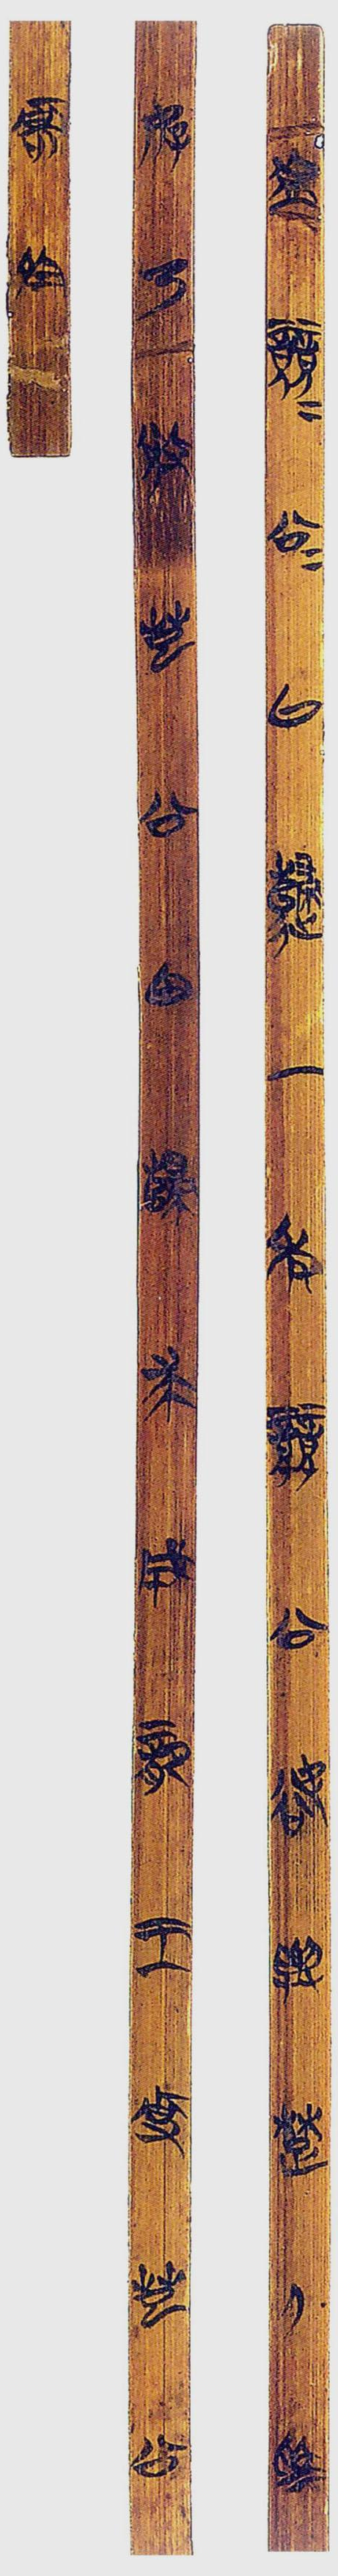者競=公=㠯（以）{彳歸}一年競公欲與楚人爲好乃敓芸公囟{𡴎帚}求成龍王史芸公{口甹}於
